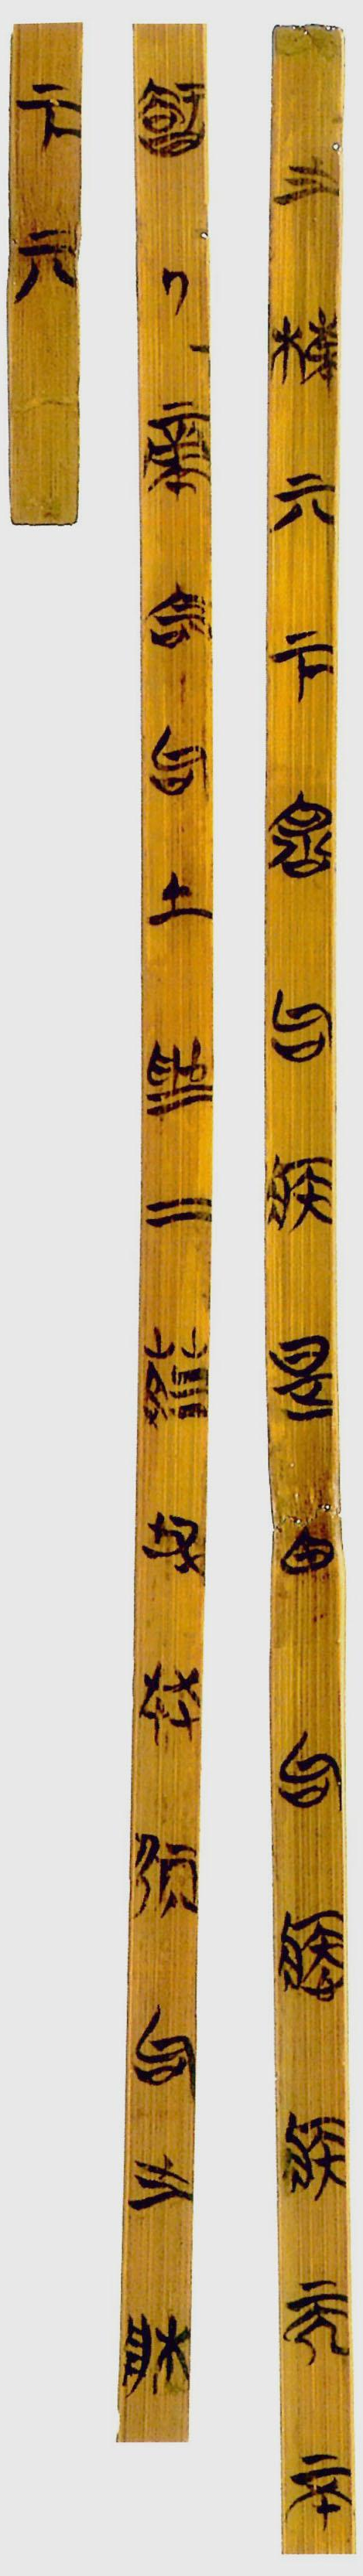之棟亓下{余口}（余）句疾是囟句{疾心}疾而不智人帝命句土爲二{艹阝仌}（陵）屯共凥句之牀下亓
